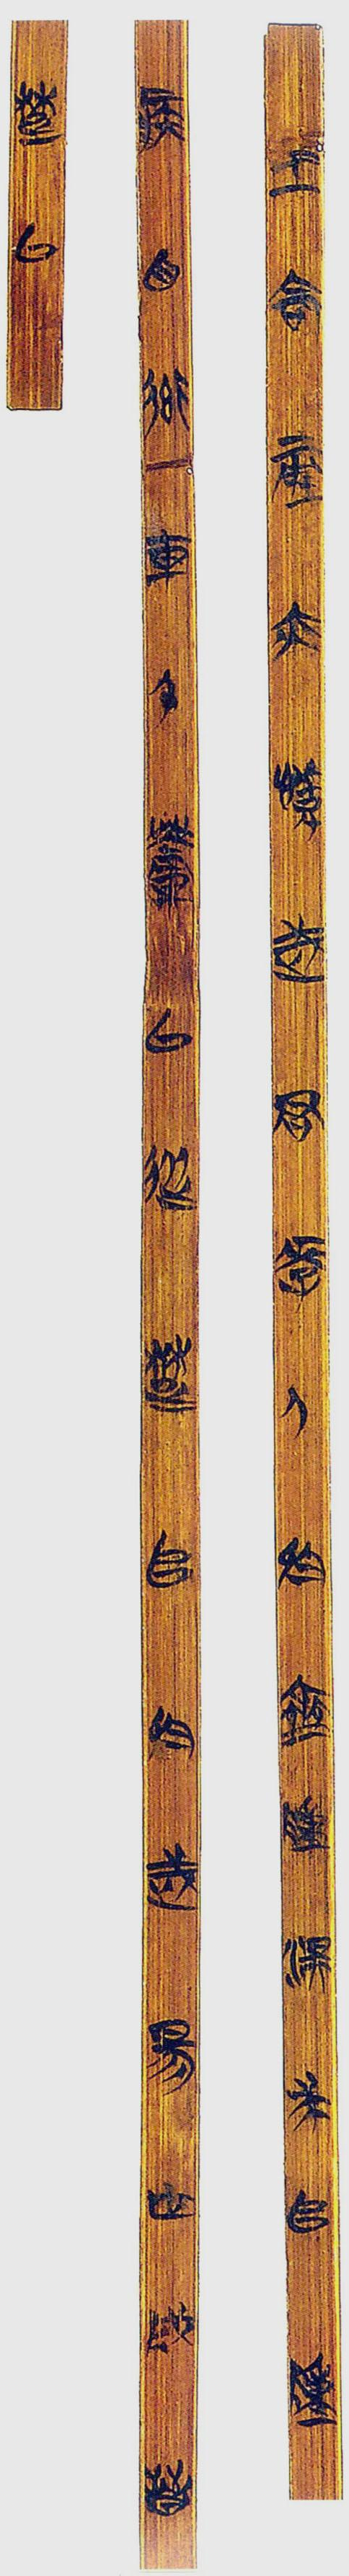王命坪亦悼武君李人於齊陳淏求𠂤陳疾目率車千{亠舛車}㠯（以）從楚𠂤於武昜甲戌晉楚㠯（以）
